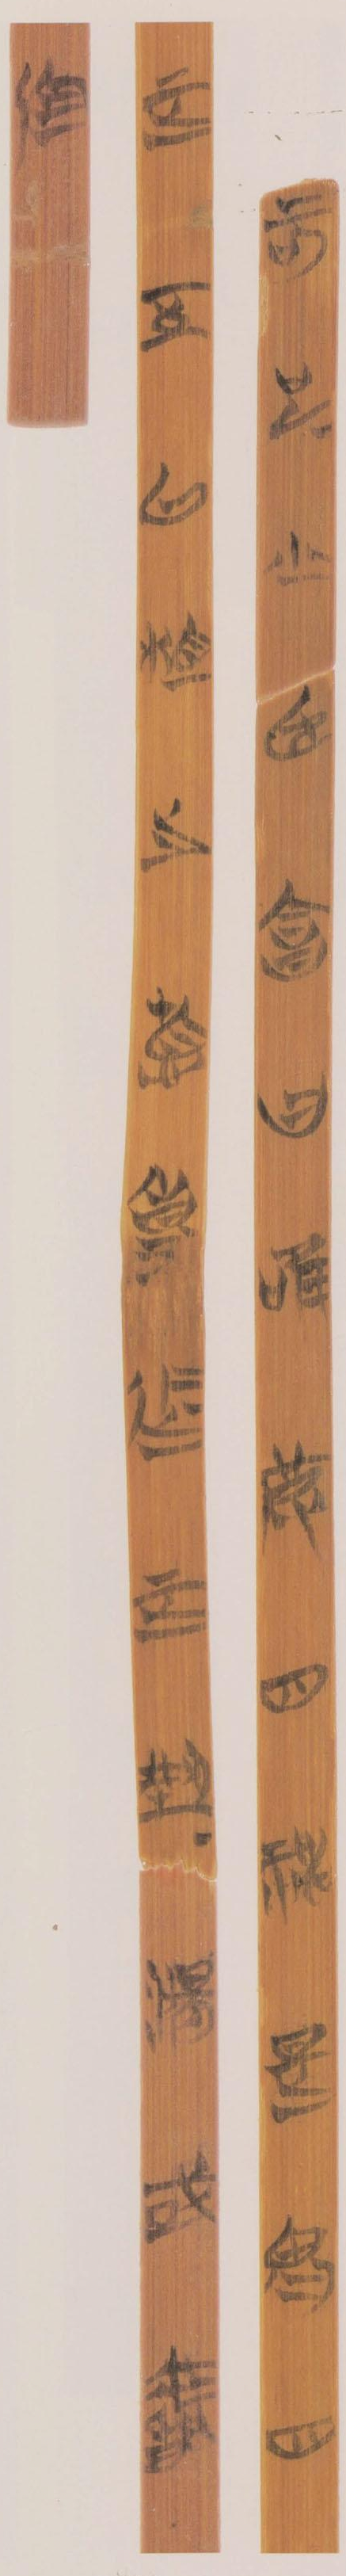可也少臣合曰唯皮四神是胃四正五㠯（以）相之惪事{辶殳}正型湯或{尒䎽}於
